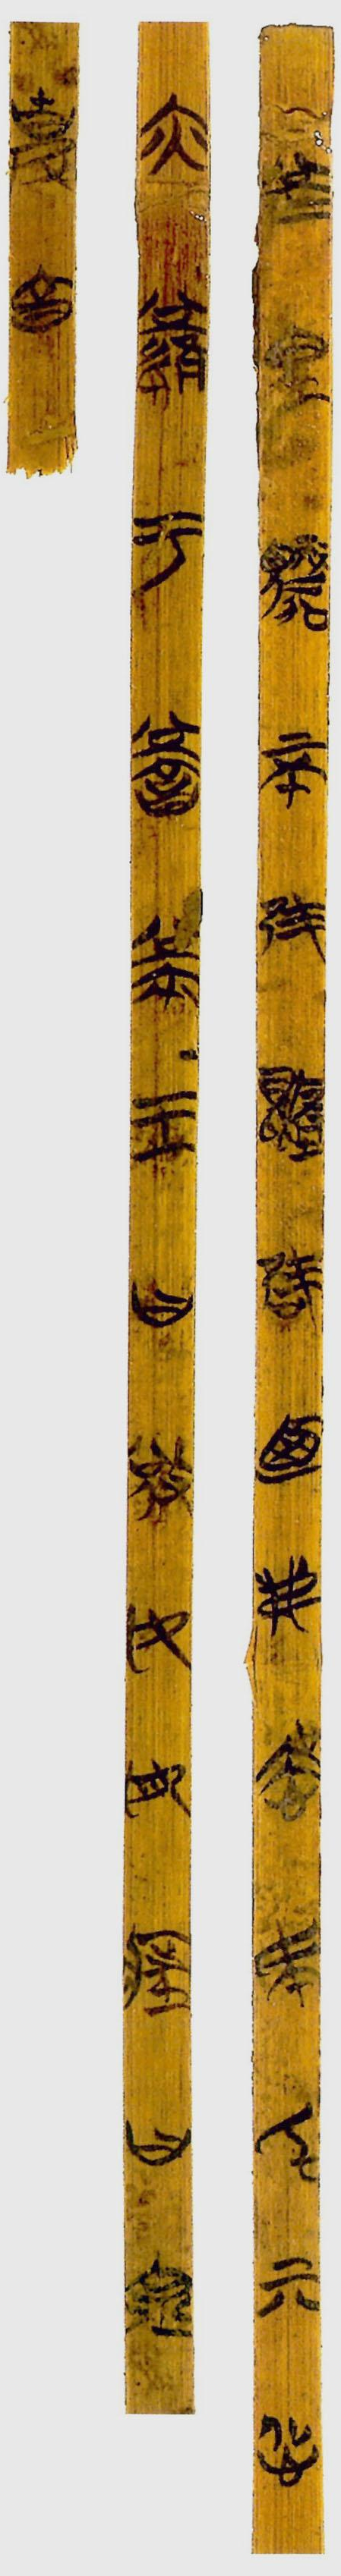罔畏{麗見}不隹{雁鸟土}唯廼弗{吳心}民氒亓{化心}（禍）亦羅于{网享}{网尒}王曰敓（說）女母{疒㞷}曰余尅亯
